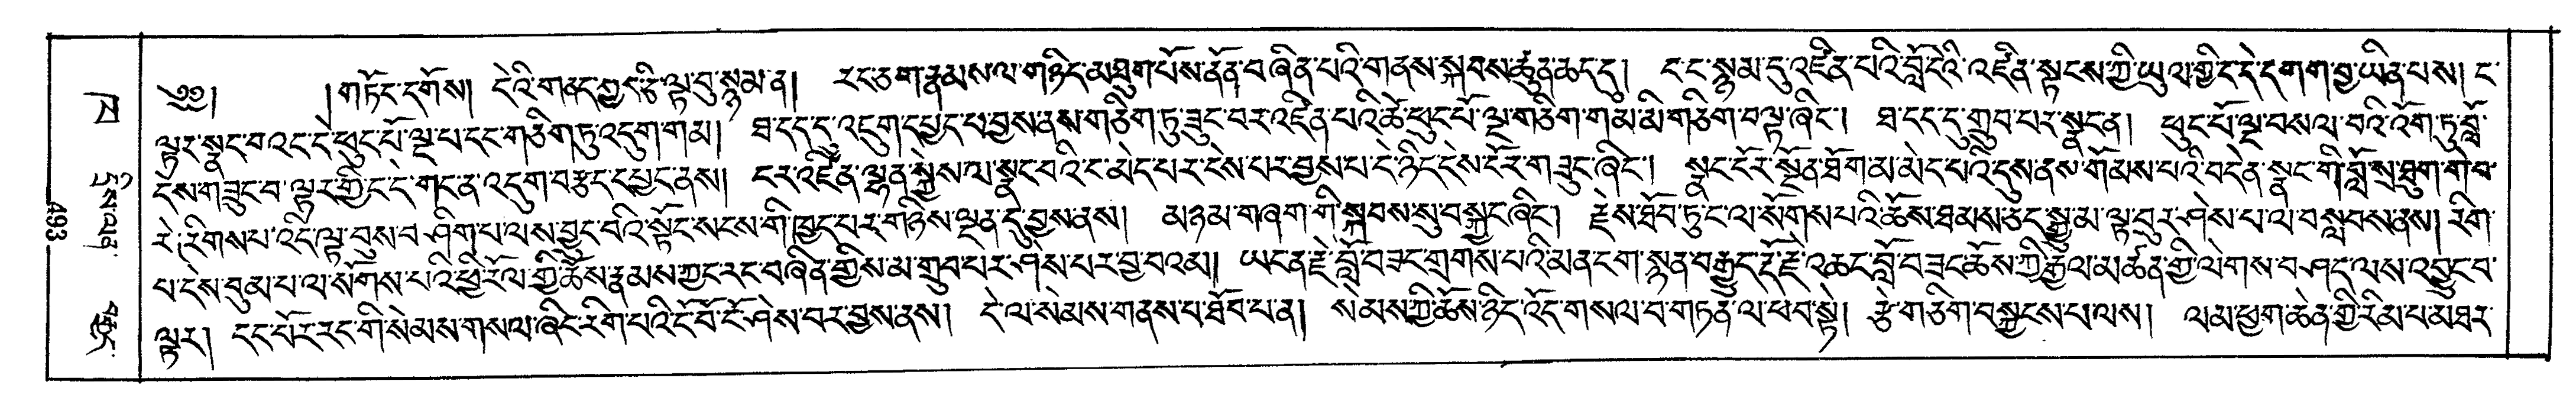༄༅། །གཏོང་དགོས། དེའི་གནད་ཀྱང་ཅི་ལྟ་བུ་སྙམ་ན། རང་ཅག་རྣམས་ལ་གཉིད་མཐུག་པོས་ནོན་བཞིན་པའི་གནས་སྐབས་ཚུན་ཆད་དུ། ང་ང་སྙམ་དུ་འཛིན་པའི་བློ་དེའི་འཛིན་སྟངས་ཀྱི་ཡུལ་གྱིང་དེ་དགག་བྱ་ཡིན་པས། དེ་
ལྟར་སྣང་བའི་ང་དེ་ཕུང་པོ་ལྔ་པ་དང་གཅིག་ཏུ་འདུག་གམ། ཐ་དད་དུ་འདུག་དཔྱང་པ་བྱས་ནས་གཅིག་ཏུ་གྲུབ་པར་འཛིན་པའི་ཚེ་ཕུང་པོ་ལྔ་གཅིག་གམ་མི་གཅིག་བལྟ་ཞིང་། ཐ་དད་དུ་གྲུབ་པར་སྣད་ན། ཕུང་པོ་ལྔ་བསལ་བའི་འོག་ཏུ་བློ་
དེས་གཟུང་བ་ལྟར་གྱི་ང་དེ་གང་ན་འདུག་བརྩད་དཔྱད་ནས། ངར་འཛིན་ལྷན་སྐྱེས་ལ་སྣང་བའི་ང་མེད་པར་ངེས་པར་བྱས་པ་དེ་ཉིད་དེར་དོར་གཟུང་ཞིང་། སྣང་ངོར་སྔོན་ཐོག་མ་མེད་པའི་དུས་ནས་གོམས་པའི་བདེན་སྣང་གི་བློ་སྲ་ཐུག་གེ་བ་
ངེ༑ རིགས་པ་འདི་ལྟ་བུས་བཤིག་པ་ལས་བྱུང་བའི་སྟོང་སངས་གི་ཁྱད་པར་གཉིས་ལྡན་དུ་བྱས་ནས། མཉམ་གཞག་གི་སྐབས་སུ་བསྐྱང་ཞིང་། རྗེས་ཐོབ་ཏུ་དེ་ལ་སོགས་པའི་ཆོས་ཐམས་ཅད་སྒྱུ་མ་ལྟ་བུར་ཤེས་པ་ལ་བསླབས་ནས། རིག་
པ་དེས་བུམ་པ་ལ་སོགས་པའི་ཕྱི་རོལ་གྱི་ཆོས་རྣམས་ཀྱང་རང་བཞིན་གྱིས་མ་གྲུབ་པར་ཤེས་པར་བྱ་བའམ། ཡང་ན་རྗེ་བློ་བཟང་གྲགས་པའི་མན་ངག་སྙན་བརྒྱུད་རྡོ་རྗེ་འཆང་བློ་བཟང་ཆོས་ཀྱི་རྒྱལ་མཚན་གྱི་ལེགས་བཤད་ལས་འབྱུང་བ་
ལྟར། དང་པོར་རང་གི་སེམས་གསལ་ཞིང་རིག་པའི་ངོ་བོ་ངོ་ཤེས་པར་བྱས་ནས། དེ་ལ་སེམས་གནས་པ་ཐོབ་པ་ན། སེམས་ཀྱི་ཆོས་ཉིད་འོད་གསལ་བ་གཏན་ལ་ཕབ་སྟེ། རྩེ་གཅིག་བསྐྱངས་པ་ལས། ལམ་ཕྱག་ཆེན་གྱི་རིམ་པ་མཐར་